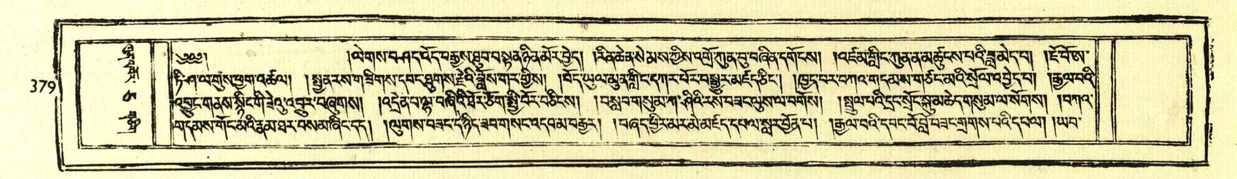༄༅༅། །ལེགས་བཤད་འོད་བརྒྱས་ཐུབ་བསྟན་ཉིན་མོར་བྱེད། །རིན་ཆེན་སེམས་ཀྱིས་འགྲོ་ཀུན་བུ་བཞིན་དགོངས། །འཛམ་གླིང་ཀུན་ན་མཚུངས་པའི་ཟླ་མེད་པ། །ཇོ་བོ་ཨ་
ཏི་ཤ་ལ་གུས་ཕྱག་འཚལ། །སྤྱན་རས་གཟིགས་དབང་ཐུགས་རྗེའི་ཟློས་གར་གྱིས། །བོད་ཡུལ་མུན་གླིང་དཀར་པོར་བསྒྱུར་མཛད་ཅིང་། །ཁྱད་པར་བཀའ་གདམས་གཙང་མའི་སྲོལ་འབྱེད་པ། །རྒྱལ་བའི་
འབྱུང་གནས་སྙིང་གི་ཟེའུ་འབྲུར་བཞུགས། །འདྲེན་པ་ལྷ་བཞིའི་ཐོར་ཅོག་སྤྱི་བོར་བཅིངས། །བསླབ་གསུམ་ཀ་ཤིའི་རས་བཟང་ལུས་ལ་བགོས། །སྤྲུལ་པའི་དྲང་སྲོང་སྐུ་མཆེད་གསུམ་ལ་སོགས། །བཀའ་
གདམས་གོང་མའི་རྣམ་ཐར་བསམ་ཞིང་། དད། །ལུགས་བཟང་དེ་ཉིད་ཟབ་གསང་འདབ་མ་བརྒྱར། །བཞད་ཕྱིར་མར་མེ་མཛད་དཔལ་སླར་བྱོན་པ། །རྒྱལ་བའི་དབང་བོ་བློ་བཟང་གྲགས་པའི་དཔལ། །ཡབ་